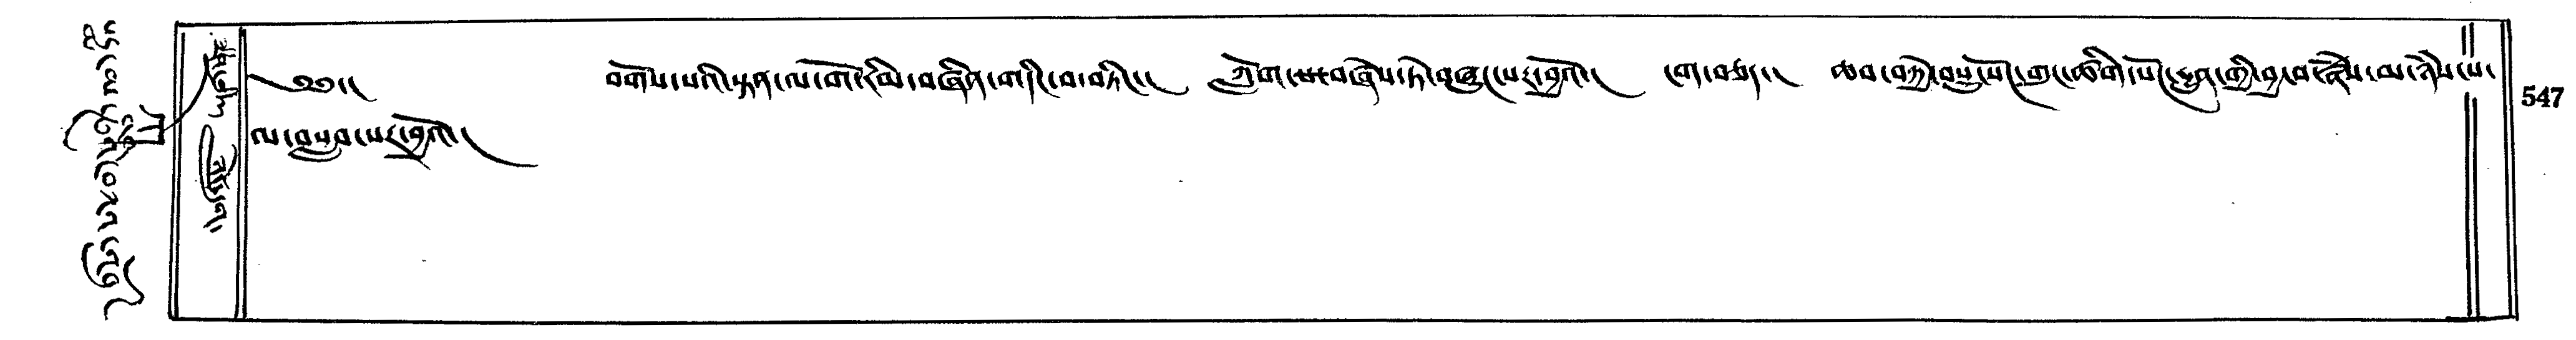བགོས་པའི་སྟན་ལ་གོ་རིམ་བཞིན་གདིང་བ་བཏིང་། ཀློག་བཞེས་ཏེ་བཞུགས་པར་བྱའོ།། ངག་བཅད། ཆབ་བཀྱེ་བསྡུ་དང་གུང་ཚིགས་སོགས་རྒྱུན་གྱི་བྱ་བ་རྣམས་མ་ཉམས་པ་
ལ་བསླབ་པར་བྱའོ།། །།